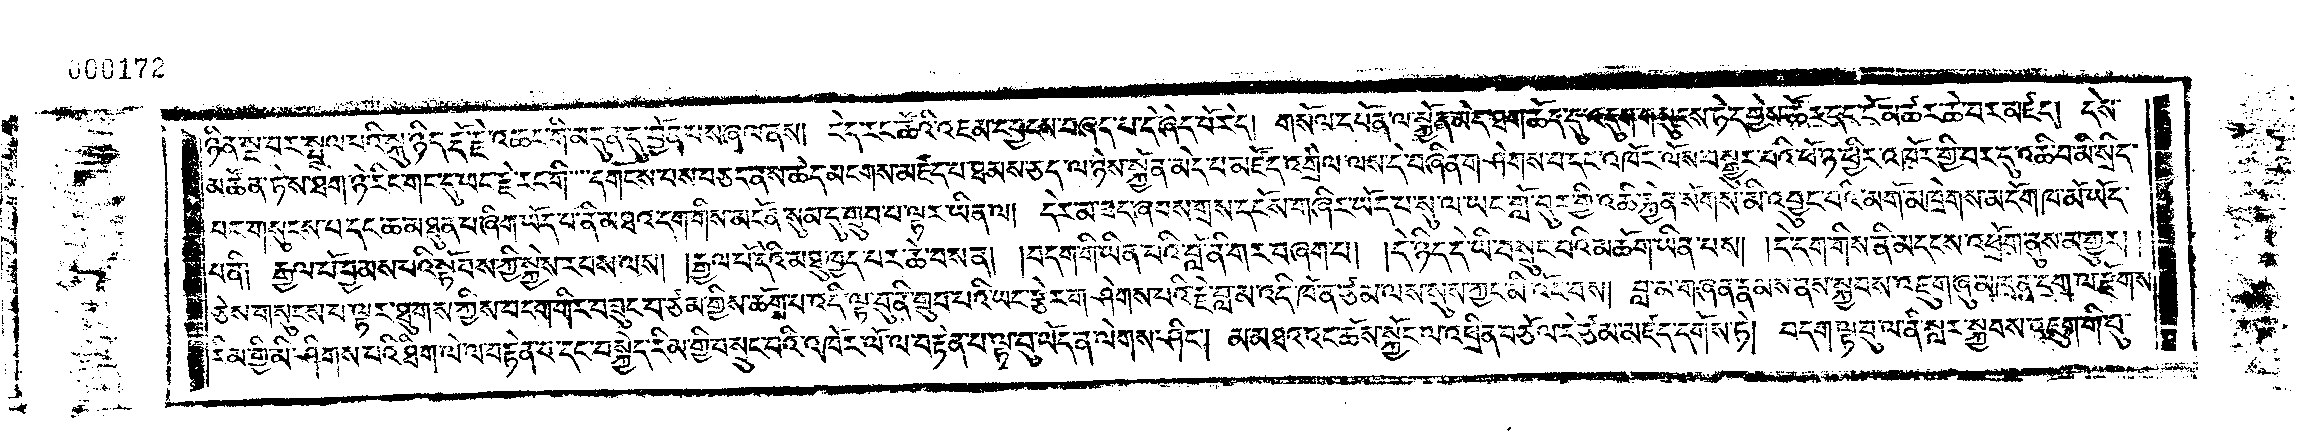ཉིན་སྔ་བར་སྤྲུལ་པའི་སྐུ་ཉིད་རྡོ་རྗེ་འཆང་གི་མདུན་དུ་བྱོན་པས་ཞལ་ནས། ངེད་རང་ཚོའི་འཇམ་དབྱངས་བཞད་པ་དེ་ཞེད་པོ་རེད། གསོལ་དཔོན་ལ་སྐྱོན་མེད་ཐག་ཆོད་དུ་འདུག་གསུངས་ཏེ་དགྱེས་ཚོར་དང་ངོ་མཚར་ཆེ་བར་མཛད། དེས་
མཚོན་ཏེ་ས་ཐག་ཉེ་རིང་གང་དུ་ཡང་རྗེ་རང་གི་དགོངས་པས་བཅད་ནས་ཆེད་མངགས་མཛད་པ་ཐམས་ཅད་ལ་ཉེས་སྐྱོན་མེད་པ་མཛོད་འགྲེལ་ལས་དེ་བཞིན་གཤེགས་པ་དང་འཁོར་ལོས་བསྒྱུར་བའི་ཕོ་ཉ་ཕྱིར་འཁོར་གྱི་བར་དུ་འཆི་བ་མི་སྲིད་
བར་གསུངས་པ་དང་ཆ་མཐུན་པ་ཞིག་ཡོད་པ་ནི་མཐའ་དག་གིས་མངོན་སུམ་དུ་གྲུབ་པ་ལྟར་ཡིན་ལ། དེར་མ་ཟད་ཞབས་གྲས་དངོས་གཞིར་ཡོད་པ་སུ་ལ་ཡང་གློ་བུར་གྱི་འཆི་རྐྱེན་སོགས་མི་འབྱུང་བའི་མགོ་མཁྲེགས་མདོག་ཁ་མོ་ཡོད་
པ་ནི༑ རྒྱལ་པོ་བྱམས་པའི་སྟོབས་ཀྱི་སྐྱེས་རབས་ལས། །རྒྱལ་པོ་དེའི་མཐུ་ཁྱད་པར་ཆེ་བས་ན། །བདག་གི་ཡིན་པའི་བློ་ནི་གར་བཞག་པ། །དེ་ཉིད་དེ་ཡི་བསྲུང་བའི་མཆོག་ཡིན་པས། །དེ་དག་གིས་ནི་མདངས་འཕྲོག་ནུས་མ་གྱུར། །
ཅེས་གསུངས་པ་ལྟར་ཐུགས་ཀྱིས་བདག་གིར་བཟུང་བ་ཙམ་གྱིས་ཆོགས་པ་འདི་ལྟ་བུ་ནི་གྲུབ་པའི་ཡང་རྩེར་གཤེགས་པའི་རྗེ་བླ་མ་འདི་ཁོ་ན་ཙམ་ལས་སུས་ཀྱང་མི་འོང་བས། བླ་མ་གཞན་རྣམས་ནས་སྐྱབས་འཇུག་ཞུ་མཁན་དག་ལ་རྫོགས་
རིམ་གྱི་མི་ཤིགས་པའི་ཐིག་ལེ་ལ་བརྟེན་པ་དང་བསྐྱེད་རིམ་གྱི་བསྲུང་བའི་འཁོར་ལོ་ལ་བརྟེན་པ་ལྟ་བུ་ཡོད་ན་ལེགས་ཤིང་། མ་མཐའ་འང་ཆོས་སྐྱོང་ལ་འཕྲིན་བཅོལ་རེ་ཙམ་མཛད་དགོས་ཏེ། བདག་ལྟ་བུ་ལ་ནི་སླར་སྐྱབས་འཇུག་གི་བུ་